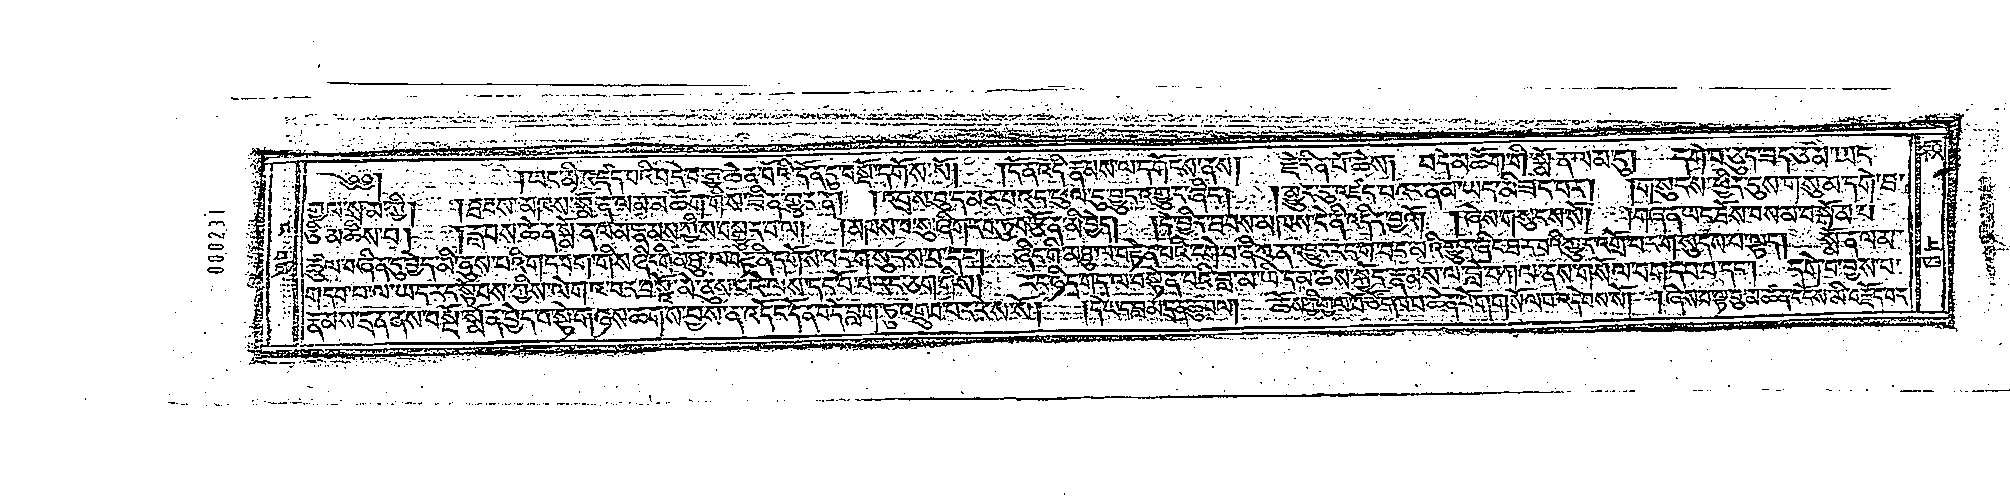༄༅། །ཡང་མི་མཛད་པའི་བདེ་བ་རྒྱ་ཆེན་པོའི་དོན་དུ་བསྔོ་དགོས་སོ། །དོན་འདི་རྣམས་ལ་དགོངས་ནས། རྗེ་རིན་པོ་ཆེས། བདེ་མཆོག་གི་སྨོན་ལམ་དུ། དགེ་བ་ཅུང་ཟད་ཙམ་ཡང་
རྒྱལ་སྲས་ཀྱི། །ཐབས་མཁས་སྨོན་ལམ་མཆོག་གིས་ཟིན་གྱུར་ན། །འབྲས་བུ་དམན་པའང་ཕུལ་དུ་བྱུང་འགྱུར་ཞིང་། །སྟུང་དུ་འཛད་པའང་ནམ་ཡང་མི་ཟད་པར། །གསུངས་ཕྱིར་དུས་གསུམ་དགེ་བ་
ཅི་མཆིས་པ། །རླབས་ཆེན་སྨོན་ལམ་རྣམས་ཀྱིས་བསྒྱུར་བ་ལ། །མཁས་པ་སུ་ཞིག་རབ་ཏུ་བརྩོན་མི་བྱེད། །དེ་ཕྱིར་ཐབས་མཁས་དེ་ནི་འདིར་བྱའོ། །ཞེས་གསུངས་སོ། །གཞན་ཡང་ཐོས་སམ་བསྒོམ་པ་
ཚུལ་བཞིན་དུ་བྱེད་མི་ནུས་པའི་གང་ཟག་གིས་ཞིང་གི་མཐུ་ལ་བརྟ་ནི་དགོས་པར་གསུངས་པ་དང་། ཞིང་གུ་མཐུ་ལ་བརྟེན་པའི་དགེ་པ་ནི་ཀུན་འབྱུང་རང་གི་བར་མའི་གྱུར་ཞིང་ཐར་བའི་གྱུར་འགྲོ་བར་གསུངས་པ་ལྟར། སྨོན་ལམ་
གདབ་པ་ལ་ཡང་རང་སྟོབས་ཀྱིས་ལེགས་བར་བསྔོ་མི་ནུས་བའི་ལས་དང་པོ་པ་རང་ཅག་གིས། རང་ཉིད་གད་ལ་བསྟེན་པའི་བླ་མ་ཡི་དམ་ཆོས་སྐྱོང་རྣམས་ལ་བློ་བཀལ་ནས་གསོལ་བ་གདབ་པ་དང་། དགེ་བ་བྱས་པ་
རྣམས་དྲན་ནས་བསྔོ་སྨོན་བྱེད་བ་སྟེ་གཉིས་ཚོགས་བྱས་ནས་འདོད་དོན་བདེ་བླག་ཏུ་འགྲུབ་པར་ངེས་སོ། །དེ་ཡང་བླ་མ་དྲན་ཚུལ་ལ། ཆོས་ཀྱི་རྒྱལ་པོ་ཙོང་ཁ་པ་ཆེན་པོ་ལ་གསོལ་བ་འདེབས་སོ། །ཞེས་པ་ལྟ་བུ་མཚན་དངོས་མི་བརྗོད་བར་